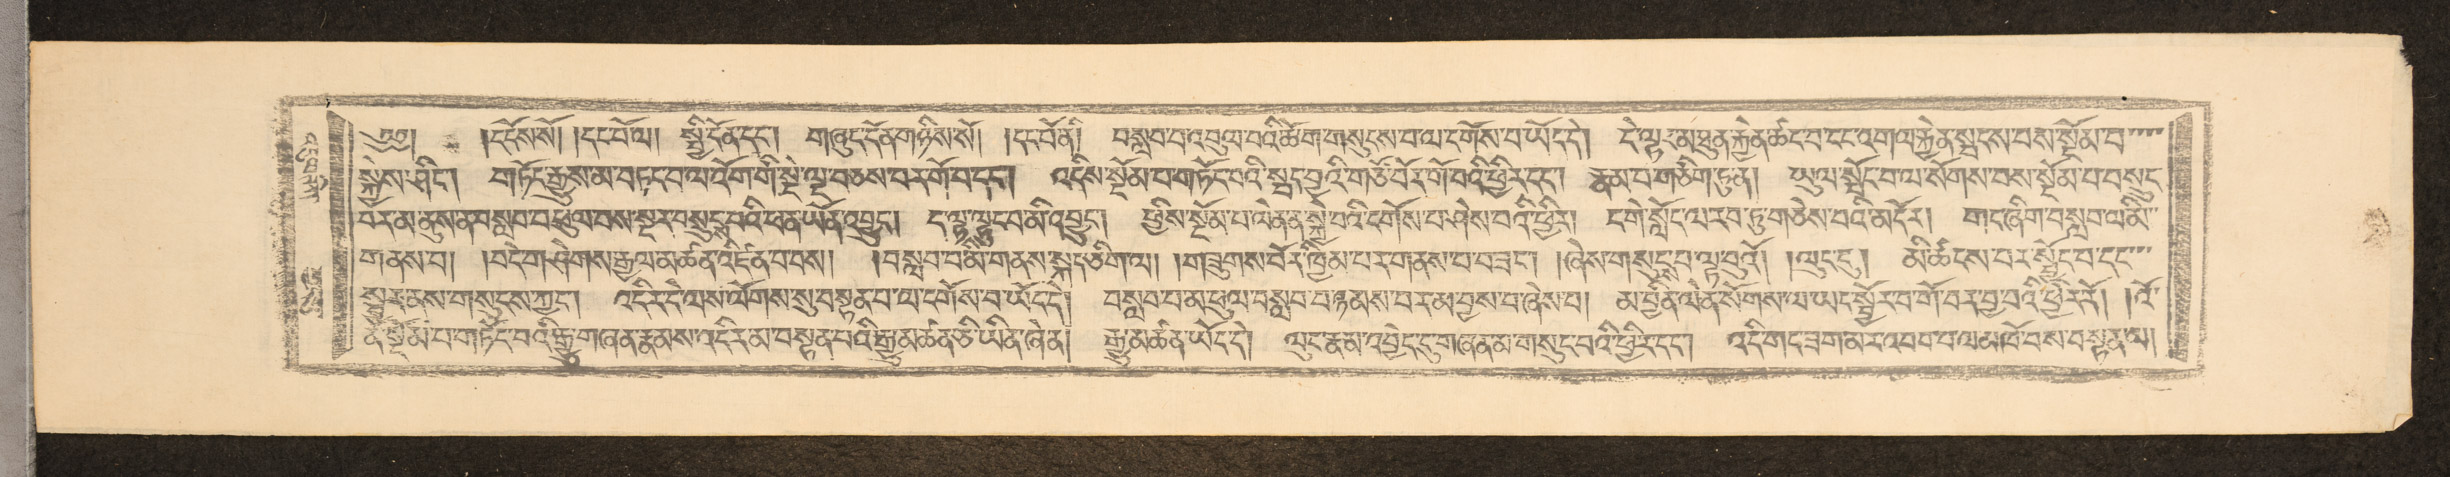༄༅། །དངོས་སོ། །དང་པོ་ལ། སྤྱི་དོན་དང་། གཞུང་དོན་གཉིས་སོ། །དང་པོ་ནི། བསླབ་པ་འབུལ་བའི་ཆོ་ག་གསུངས་པ་ལ་དགོས་པ་ཡོད་དེ། དེ་ལྟར་མཐུན་རྐྱེན་ཚང་བ་དང་འགལ་རྐྱེན་སྤངས་པས་སྡོམ་པ་
སྐྱེས་ཤིང་། གཏོང་རྒྱུས?་མ་བཏང་བ་ལ་འོག་གི་སྡེ་ལྔ་བཅས་པར་གོ་བ་དང་། འདིས་སྡོམ་པ་གཏོང་བའི་སྤང་བྱའི་གཙོ་བོར་གོ་བའི་ཕྱིར་དང་། རྣམ་པ་གཅིག་ཏུ་ན། ཡུལ་སྤོང་བ་ལ་སོགས་པས་སྡོམ་པ་བསྲུང་
བར་མ་ནུས་ན་བསླབ་པ་ཕུལ་བས་སྔར་བསྲུང་བའི་ཕན་ཡོན་འབྱུང་། ད་ལྟ་ལྟུང་བ་མི་འབྱུང་། ཕྱིས་སྡོམ་པ་ལེན་ན་སྐྱེ་བའི་དགོས་པ་ཤེས་པའི་ཕྱིར། དགེ་སློང་ལ་རབ་ཏུ་གཅེས་པའི་མདོར། གང་ཞིག་བསླབ་ལ་མི་
གནས་པ། །བདེ་གཤེགས་རྒྱལ་མཚན་འཛིན་པ་བས། །བསླབ་པ་མི་གནས་སྐད་ཅིག་ལ། །གཟུགས་བོར་ཁྱིམ་པར་གནས་པ་བཟང་། །ཞེས་གསུངས་པ་ལྟ་བུའོ། །ལུང་དུ། མི་ཚངས་པར་སྤྱོད་པ་དང་
སྦྱར་ནས་གསུངས་ཀྱང་། འདིར་དེ་ལས་ལོགས་སུ་བསྟན་པ་ལ་དགོས་པ་ཡོད་དེ། བསླབ་པ་མ་ཕུལ་བསླབ་པ་ཉམས་པར་མ་བྱས་པ་ཞེས་པ། མ་བྱིན་ལེན་སོགས་ལ་ཡང་སྦྱོར་པ་གོ་བར་བྱ་བའི་ཕྱིར་རོ། །འོ་
ན་སྡོམ་པ་གཏོང་བའི་རྒྱུ་གཞན་རྣམས་འདིར་མ་བསྟན་པའི་རྒྱུ་མཚན་ཅི་ཡིན་ཞེ་ན། རྒྱུ་མཚན་ཡོད་དེ། ལུང་རྣམ་འབྱེད་དུ་གཞན་མ་གསུང་པའི་ཕྱིར་དང་། འདི་གང་ཟག་མར་འབབ་པ་ལ་མཁོ་བས་བསྟན་ལ།